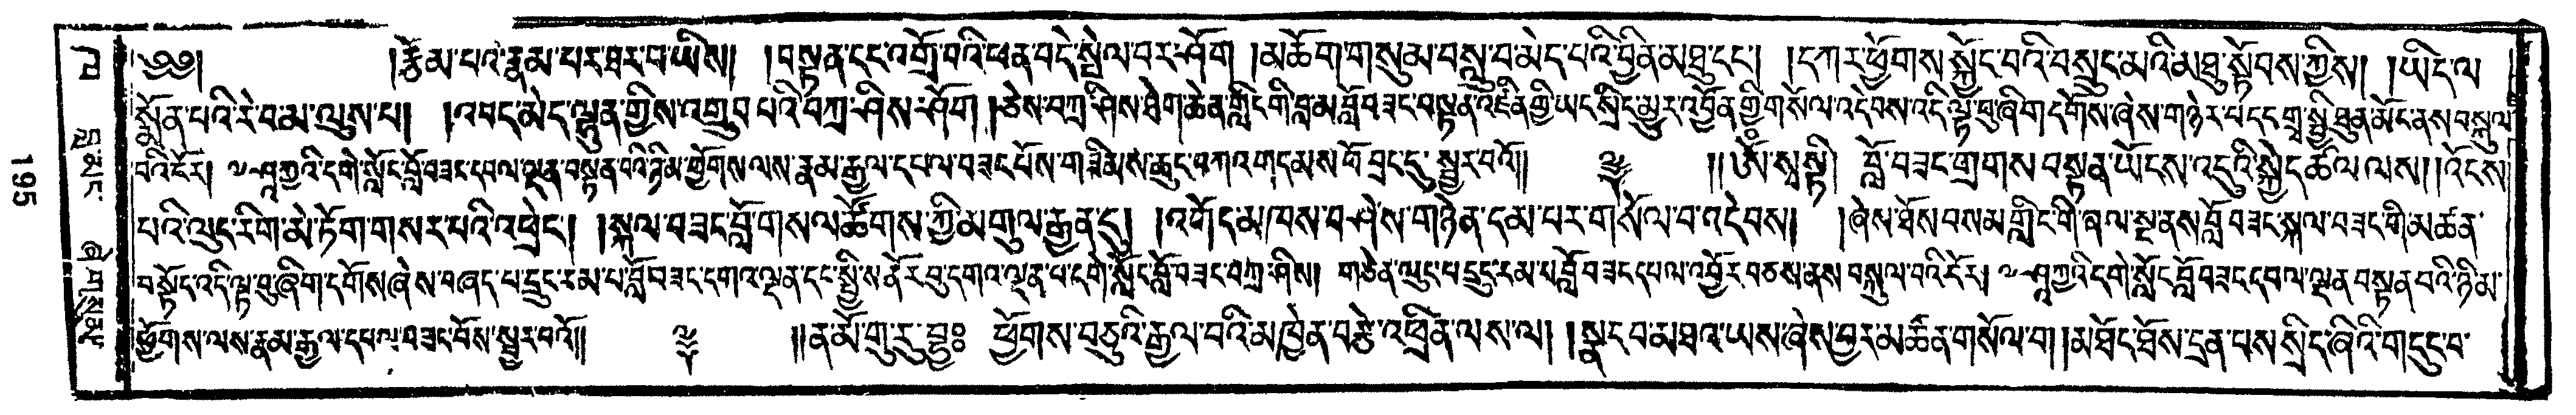༄༅། །རྩོམ་པའི་རྣམ་པར་ཐར་པ་ཡིས། །བསྟན་དང་འགྲོ་བའི་ཕན་བདེ་སྤེལ་བར་ཤོག །མཆོག་གསུམ་བསླུ་བ་མེད་པའི་བྱིན་མཐུ་དང་། །དཀར་ཕྱོགས་སྐྱོང་བའི་བསྲུང་མའི་མཐུ་སྟོབས་ཀྱིས། །ཡིད་ལ་
སྨོན་པའི་རེ་བ་མ་ལུས་པ། །འབད་མེད་ལྷུན་གྱིས་འགྲུབ་པའི་བཀྲ་ཤིས་ཤོག །ཅེས་བཀྲ་ཤིས་ཐེག་ཆེན་གླིང་གི་བླ་མ་བློ་བཟང་བསྟན་འཛིན་གྱི་ཡང་སྲིད་མྱུར་འབྱོན་གྱི་གསོལ་འདེབས་འདི་ལྟ་བུ་ཞིག་དགོས་ཞེས་གཉེར་པ་དང་གྲྭ་སྦྱི་ཐུན་མོང་ནས་བསྐུལ་
བའི་ངོར། ༧་ཤཱཀྱའི་དགེ་སློང་བློ་བཟང་དཔལ་ལྡན་བསྟན་པའི་ཉི་མ་ཕྱོགས་ལས་རྣམ་རྒྱལ་དཔལ་བཟང་པོས་གཟིམས་ཆུང་བཀའ་གདམས་ཕོ་བྲང་དུ་སྦྱར་བའོ།། ༈ །།ཨོཾ་སྭསྟི། བློ་བཟང་གྲགས་བསྟན་ཡོངས་འདུའི་སྐྱེད་ཚལ་ལས། །འོངས་
པའི་ལུང་རིག་མེ་ཏོག་གསར་པའི་འཕྲེང་། །སྐལ་བཟང་བློ་གསལ་ཚོགས་ཀྱི་མགུལ་རྒྱན་དུ། །འགོད་མཁས་བཤེས་གཉེན་དམ་པར་གསོལ་བ་འདེབས། །ཞེས་ཐོས་བསམ་གླིང་གི་ཞལ་སྔ་ནས་བློ་བཟང་སྐལ་བཟང་གི་མཚན་
བསྟོད་འདི་ལྟ་བུ་ཞིག་དགོས་ཞེས་བཞད་པ་དྲུང་རམ་པ་བློ་བཟང་དགའ་ལྡན་དང་སྤྱི་ས་ནོར་བུ་དགའ་ལྡན་པ་དགེ་སློང་བློ་བཟང་བཀྲ་ཤིས། གཅེན་ལུང་པ་དྲུང་རམ་པ་བློ་བཟང་དཔལ་འབྱོར་བཅས་ནས་བསྐུལ་བའི་ངོར། ༧་ཤཱཀྱའི་དགེ་སློང་བློ་བཟང་དཔལ་ལྡན་བསྟན་པའི་ཉི་མ་
ཕྱོགས་ལས་རྣམ་རྒྱལ་དཔལ་བཟང་པོས་སྦྱར་བའོ།། ༈ །།ན་མོ་གུ་རུ་བྷྱཿ ཕྱོགས་བཅུའི་རྒྱལ་བའི་མཁྱེན་བརྩེ་འཕྲིན་ལས་ལ། །སྣང་བ་མཐའ་ཡས་ཞེས་བྱར་མཚན་གསོལ་བ། །མཐོང་ཐོས་དྲན་པས་སྲིད་ཞིའི་གདུང་བ་